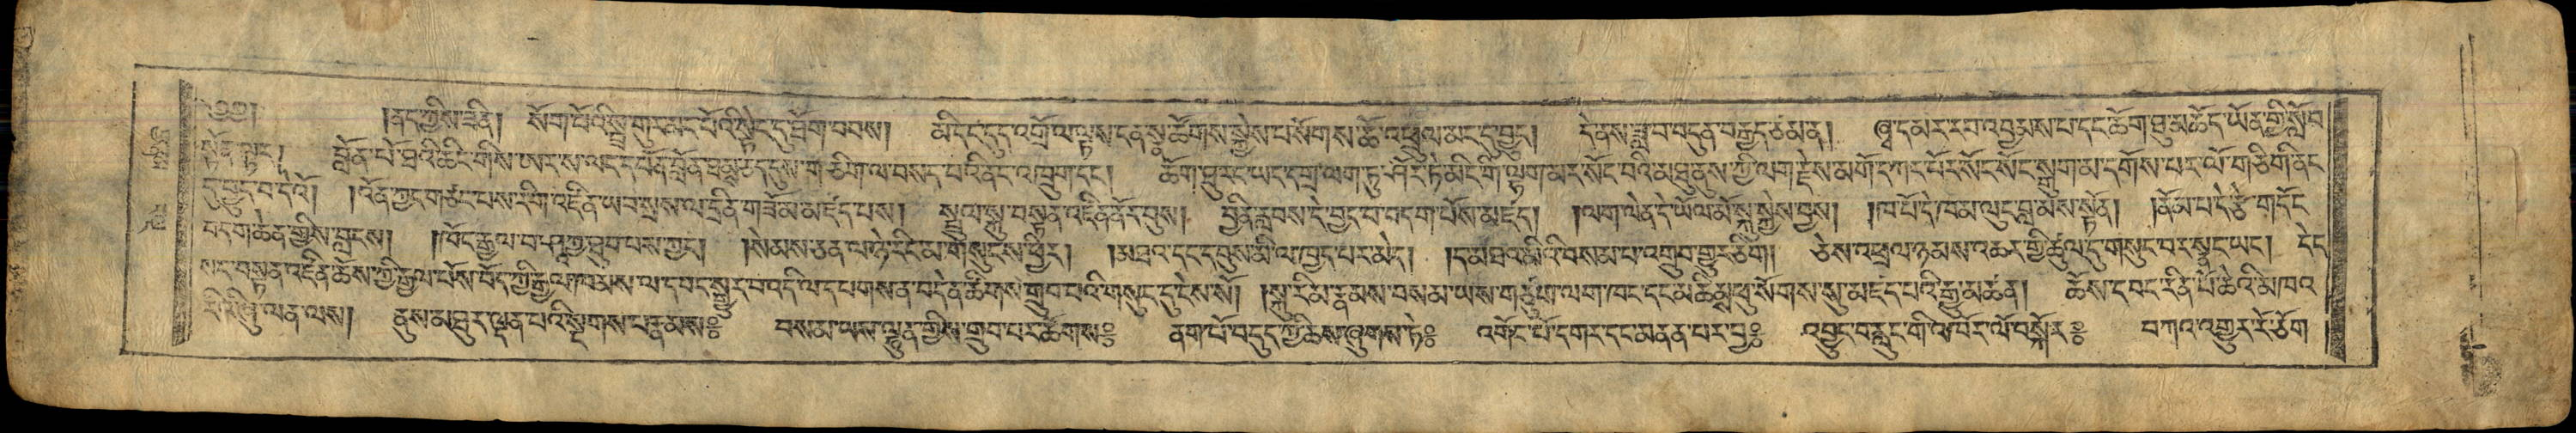༄༅། །ནད་ཀྱིས་ཟིན། སོག་པོའི་སྦྲ་གུར་མང་པོའི་སྟེང་དུ་ཐོག་བབས། མི་དང་དུད་འགྲོ་ལ་ལྟས་ངན་སྣ་ཚོགས་སྐྱེས་པ་སོགས་ཆོ་འཕྲུལ་མང་དུ་བྱུང་། དེ་ནས་ཟླ་བ་བདུན་བརྒྱད་ཙམ་ན། ཞྭ་དམར་རབ་འབྱམས་པ་དང་ཆོག་ཐུ་མཆོད་ཡོན་གྱི་སློབ་
སྟོན་ལྟར། བློན་པོ་ཐའི་ཆིང་གིས་ཨར་ས་ལང་དཔོན་བློན་ཐམས་ཅད་དུས་གཅིག་ལ་བསད་པའི་ནང་འཁྲུག་དང་། ཆོག་ཐུ་རང་ཡང་དགྲ་ལག་ཏུ་ཤོར་ཏེ་མིང་གི་ལྷག་མར་སོང་བའི་མཐུ་ནུས་ཀྱི་ལག་རྗེས་མགོ་དཀར་པོར་སོང་སོང་སྒུག་མ་དགོས་པར་ལོ་གཅིག་གི་ནང་
དུ་བྱུང་བ་དེའོ། །འོན་ཀྱང་གཙང་པས་རིག་འཛིན་ཡབ་སྲས་ལ་དྲིན་གཟོ་མ་མཛད་པས། སྤྲུལ་སྐུ་བསྟན་འཛིན་ནོར་བུས། བྱིན་རླབས་དེ་བྱད་པ་བདག་པོས་མཛད། །ལག་ལེན་དེ་ཡོལ་མོ་སྐུ་སྐྱེས་བྱས། །ཁ་པོ་དེ་ཁམ་ལུང་བླ་མས་སྟོན། །ནོམ་པ་དེ་རྩེ་གདོང་
བདག་ཆེན་གྱིས་བླངས། །ཁོང་རྒྱལ་བ་ཤཱཀྱ་ཐུབ་པས་ཀྱང་། །སེམས་ཅན་ལ་ཉེ་རིང་མ་གསུངས་ཕྱིར། །མཐའ་དང་དབུས་མི་ལ་ཁྱད་པར་མེད། །ད་མཐའ་མིའི་བསམ་པ་འགྲུབ་གྱུར་ཅིག། ཅེས་འཕྲལ་ཉམས་འཆར་གྱི་ཚུལ་དུ་གསུང་བར་སྣང་ཡང་། དེང་
སང་བསྟན་འཛིན་ཆོས་ཀྱི་རྒྱལ་པོས་བོད་ཀྱི་རྒྱལ་ཁམས་ལ་དབང་སྒྱུར་བ་འདི་ལ་དཔགས་ན་བདེན་ཚིགས་གྲུབ་པའི་གསུང་དུ་ངེས་སོ། །སྐུ་རིམ་རྣམས་བསམ་ཡས་གཙུག་ལག་ཁང་དང་མཆིམས་ཕུ་སོགས་སུ་མཛད་པའི་རྒྱུ་མཚན། ཆོས་དབང་རིན་པོ་ཆེའི་མཁའ་
རིའི་ཞུ་ལན་ལས། ནུས་མཐུར་ལྡན་པའི་སྔགས་པ་རྣམསཿ་བསམ་ཡས་ལྷུན་གྱིས་གྲུབ་པར་ཚོགསཿ་ནག་པོ་བདུད་ཀྱི་ཆས་ཞུགས་ཏེཿ་འགོང་པོ་དགར་དང་མནན་པར་བྱཿ་འབྱུང་བ་རླུང་གི་འཁོར་ལོ་བསྐོརཿ་བཀའ་འགྱུར་རོ་ཅོག་